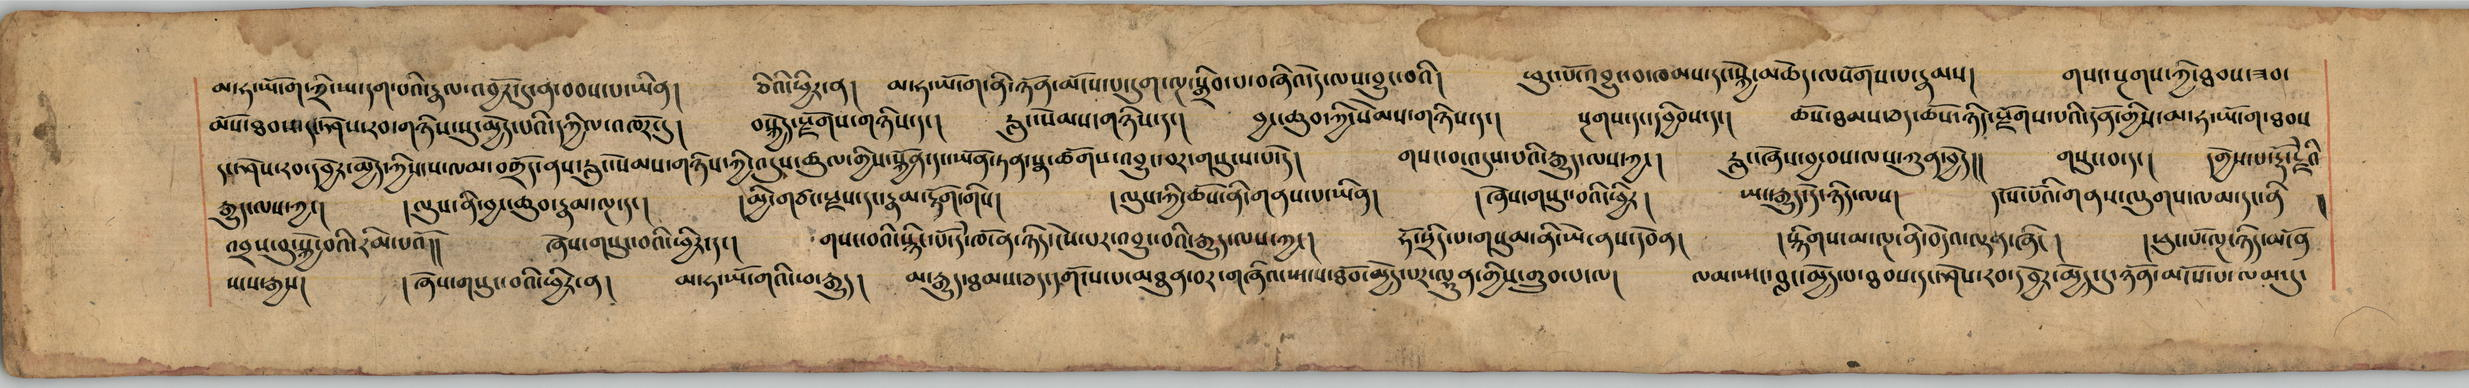མ་ཧ་ཡོ་ག་ཀྲི་ཡ་དག་པའི་རྣལ་འབྱོར་དུ་ན་བབས་པ་ཡིན། ཅིའི་ཕྱིར་ན། མ་ཧ་ཡོ་ག་ནི་ཉོན་མོངས་པ་དུག་ལྔ་སྒྲིབ་པ་བཞིན་དེ་ལས་བྱུང་བའི། ཕུང་པོ་འབྱུང་བ་ཁམས་དང་སྐྱེ་མཆེད་ལསོགས་པ་རྣམས། གསང་སྔགས་ཀྱི་ཐབས་ཟབ་
མོས་ཐབས་དང་ཤེས་རབ་གཉིས་སུ་མྱེད་པའི་དཀྱིལ་འཁོར་དུ། བསྐྱེད་སྫོགས་གཉིས་དང། རླུང་སེམས་གཉིས་དང། བྱང་ཆུབ་ཀྱི་སེམས་གཉིས་དང། སྔགས་དང་དབྱིབས་དང། ཆོས་ཐམས་ཅད་ཆོས་ཉིད་སྫོགས་པའི་དོན་གྱིས་མ་ཧ་ཡོ་ག་ཐབས
དང་ཤེས་རབ་དབྱེར་མྱེད་ཀྱིས་ས་ལམ་བགྲོད་ནས་རླུང་སེམས་གཉིས་ཀྱི་འདུས་ཚུལ་གྱིས་སྐྱོན་དང་ཡོན་ཏན་སྣ་ཚོགས་འབྱུང་བར་གསུངས་པ་དེ། གསང་བ་འདུས་པའི་རྒྱུད་ལས་ཀྱང། རླུང་ཞེས་བྱ་བས་ལས་ཀུན་བྱེད།།གསུང་བ་དང། དགྱེས་པ་རྡོ་རྗེའི
རྒྱུད་ལས་ཀྱང། །ལུས་ནི་བྱང་ཆུབ་རྣམ་ལྔ་དང། །མྱི་གཙང་སྫས་དང་རྣམ་རྟོག་གིས། །ལུས་ཀྱི་ཆོས་ནི་གནས་པ་ཡིན། །ཞེས་གསུང་བའི་ཕྱིར། ཡང་རྒྱུད་དེ་ཉིད་ལས། དངོས་པོའི་གནས་ལུགས་ལམ་དང་ནི
འབྲས་བུ་སྐྱེ་བའི་རིམ་པའོ།། ཞེས་གསུང་བའི་ཕྱིར་དང། གསང་བའི་སྙིང་པོ་དེ་ཁོ་ན་ཉིད་ངེས་པར་འབྱུང་བའི་རྒྱུད་ལས་ཀྱང། ཧོ་སྲིད་པ་གསུམ་ནི་ཡེ་ནས་དབེན། །སྙིགས་མ་ལྔ་ནི་བདེའ་ལྡན་ཞིང། །ཕུང་པོ་ལྔ་ཉིད་མངོན
སངས་རྒྱས། །ཞེས་གསུང་བའི་ཕྱིར་ན། མ་ཧ་ཡོ་གའི་ཕ་རྒྱུད། མ་རྒྱུད་ཐམས་ཅད་དགོངས་པ་ཥཏུན་བར་གཞིའ་སྤངས་ཐོབ་མྱེད་པར་ལྷུན་གྱིས་གྲུབ་པ་ལ། ལམ་སྤང་བླང་མྱེད་པ་ཐབས་དང་ཤེས་རབ་དབྱེར་མྱེད་དུ་ཉོན་མོངས་པ་ལམ་དུ་